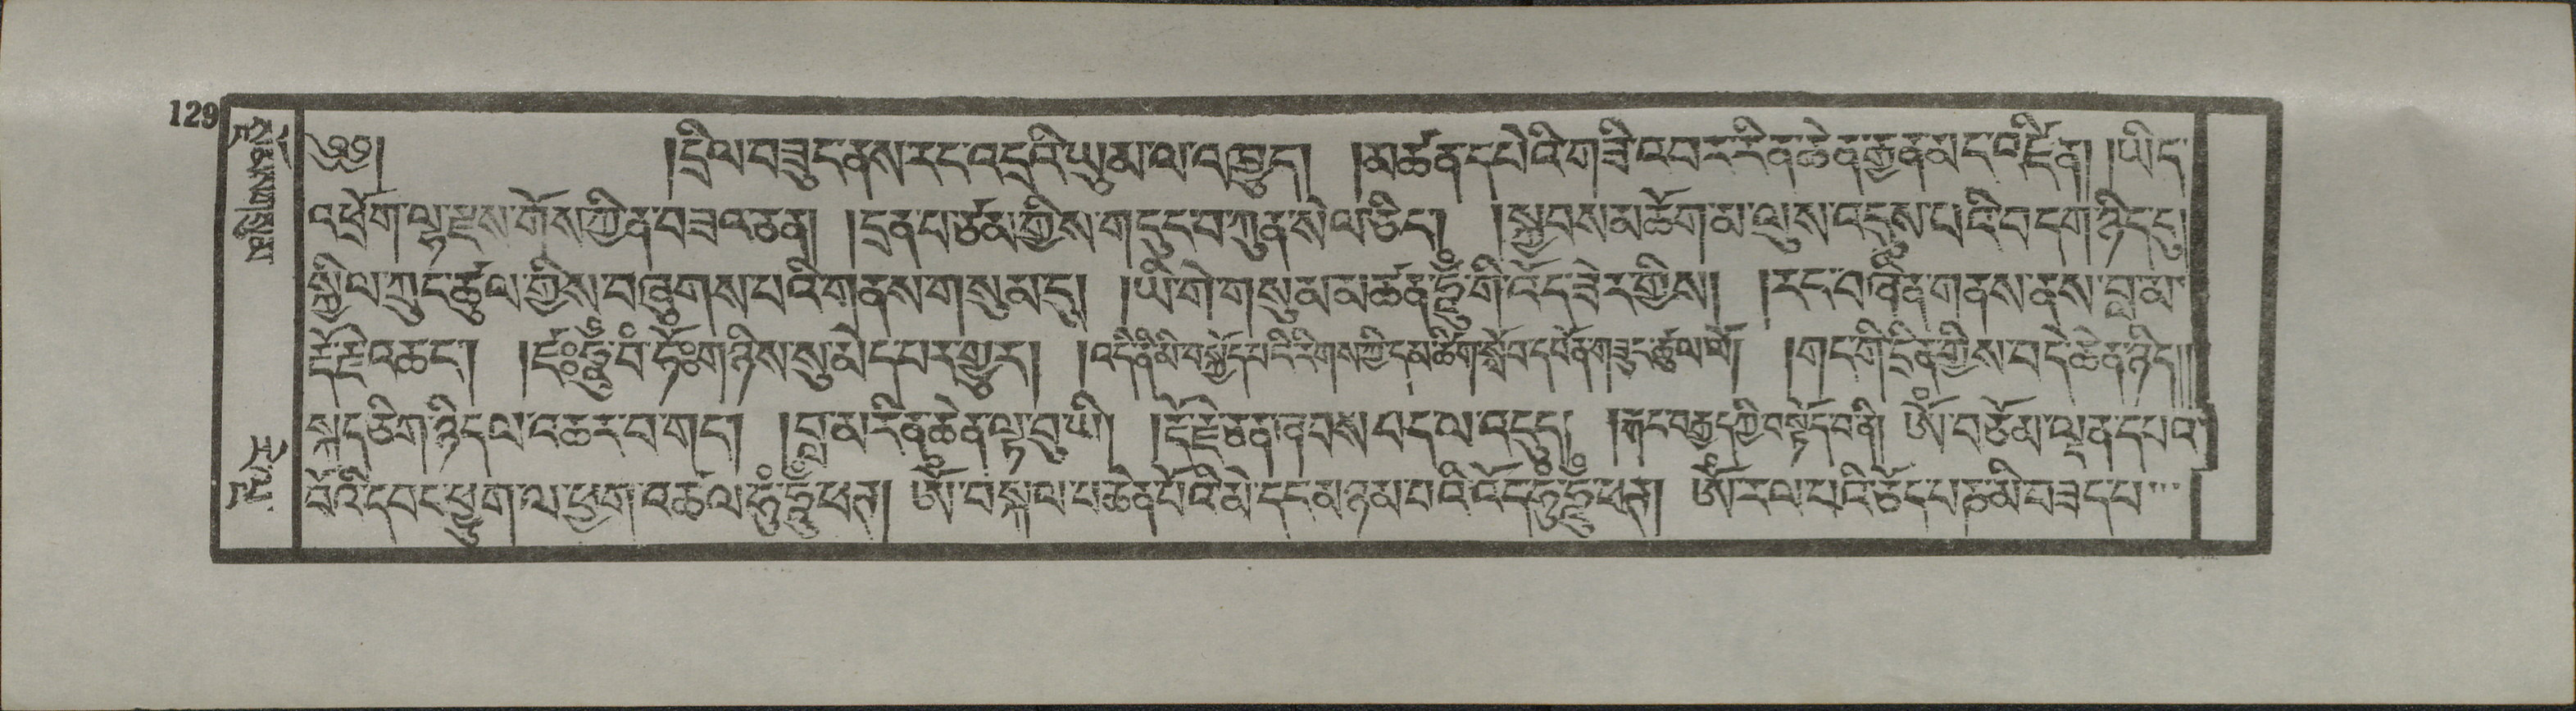༄༅། །དྲིལ་བཟུང་ནས་རང་འདྲའི་ཡུམ་ལ་འཁྱུད། །མཚན་དཔེའི་གཟི་འབར་རིན་ཆེན་རྒྱན་མང་འཛིན། །ཡིད་
འཕྲོག་ལྷ་རྫས་གོས་ཀྱི་ན་བཟའ་ཅན། །དྲན་པ་ཙམ་གྱིས་གདུང་བ་ཀུན་སེལ་ཅིང་། །སྐྱབས་མཆོག་མ་ལུས་འདུས་པའི་བདག་ཉིད་དུ།
སྐྱིལ་ཀྲུང་ཚུལ་གྱིས་བཞུགས་པའི་གནས་གསུམ་དུ། །ཡི་གེ་གསུམ་མཚན་ཧཱུཾ་གི་འོད་ཟེར་གྱིས། །རང་བཞིན་གནས་ནས་བླ་མ་
རྡོ་རྗེ་འཆང་། །ཛཿ ཧཱུཾ་བཾ་ཧོཿ གཉིས་སུ་མེད་པར་གྱུར། །འདི་ནི་མི་བསྐྱོད་པའི་རིགས་ཀྱི་དམ་ཚིག་སློབ་དཔོན་གཟུང་ཚུལ་ལོ།  །གང་གི་དྲིན་གྱིས་བདེ་ཆེན་ཉིད།།
སྐད་ཅིག་ཉིད་ལ་འཆར་བ་གང་། །བླ་མ་རིན་ཆེན་ལྟ་བུ་ཡི། །རྡོ་རྗེ་ཅན་ཞབས་པད་ལ་འདུད། །རྐང་བརྒྱད་ཀྱི་བསྟོད་པ་ནི།  ཨོཾ་བཅོམ་ལྡན་དཔའ་
བོའི་དབང་ཕྱུག་ལ་ཕྱག་འཚལ་ཧཱུཾ་ཧཱུཾ་ཕཊ། ཨོཾ་བསྐལ་པ་ཆེན་པོའི་མེ་དང་མཉམ་པའི་འོད་ཧཱུཾ་ཧཱུཾ་ཕཊ། ཨོཾ་རལ་པའི་ཅོད་པཎ་མི་བཟད་པ་